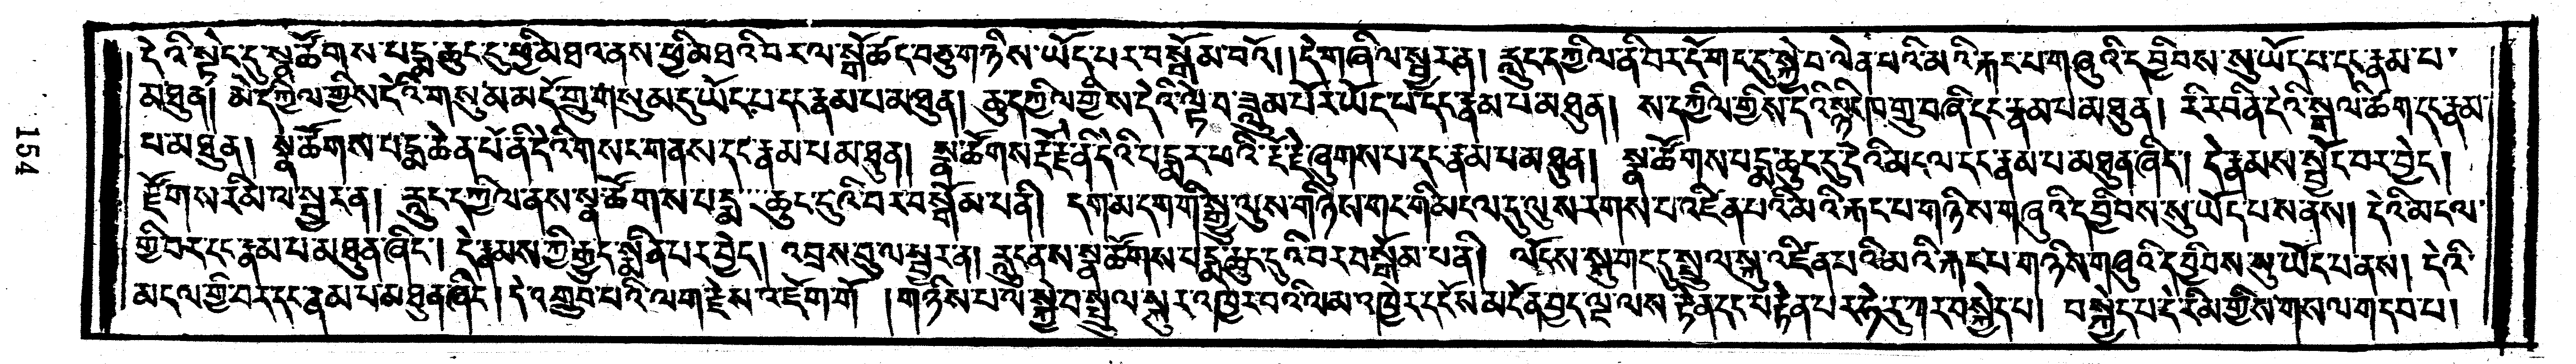དེའི་སྟེང་དུ་སྣ་ཚོགས་པདམ་ཆུང་དུ་ཕྱི་མཐའ་ནས་ཕྱི་མཐའི་བར་ལ་སྒོ་ཚད་བཅུ་གཉིས་ཡོད་པར་བསྒོམ་བའོ། །དེ་གཞི་ལ་སྦྱར་ན། རླུང་དཀྱིལ་ནི་བར་ངོ་གང་དུ་སྐྱེ་བ་ལེན་པའི་མའི་རྐང་པ་གཞུའི་དབྱིབས་སུ་ཡོད་པ་དང་རྣམ་པ་
མཐུན། མེ་དཀྱིལ་གྱིས་དེའི་གསུམ་མདོ་གྲུ་གསུམ་དུ་ཡོང་པ་དང་རྣམ་པ་མཐུན། ཆུ་དཀྱིལ་གྱིས་དེའི་ལྟེ་བ་ཟླུམ་པོར་ཡོད་པ་དང་རྣམ་པ་མཐུན། ས་དཀྱིལ་གྱིས་དེའི་སྙིང་ཁ་གྲུ་བཞི་དང་རྣམ་པ་མཐུན། རི་རབ་ནི་དེའི་སྒལ་ཚིག་དང་རྣམ་
པ་མཐུན། སྣ་ཚོགས་པདམ་ཆེན་པོ་ནི་དེའི་གསང་གནས་དང་རྣམ་པ་མཐུན། སྣ་ཚོགས་རྡོ་རྗེ་ནི་དེའི་པདམར་ཕའི་རྡོ་རྗེ་ཞུགས་པ་དང་རྣམ་པ་མཐུན། སྣ་ཚོགས་པདམ་ཆུང་དུ་དེའི་མངལ་དང་རྣམ་པ་མཐུན་ཞིང་། དེ་རྣམས་སྦྱོང་བར་བྱེད།
རྫོགས་རིམ་ལ་སྦྱར་ན། རླུང་དཀྱིལ་ནས་སྣ་ཚོགས་པདམ་ཆུང་དུའི་བར་བསྒོམ་པ་ནི། དག་མ་དག་གི་སྒྱུ་ལུས་གཉིས་གང་གི་མངལ་དུ་ལུས་རགས་པ་འཛིན་པའི་མའི་རྐང་པ་གཉིས་གཞུའི་དབྱིབས་སུ་ཡོད་པས་ནས། དེའི་མངལ་
གྱི་བར་དང་རྣམ་པ་མཐུན་ཞིང་། དེ་རྣམས་ཀྱི་རྒྱུད་སྨིན་པར་བྱེད། འབྲས་བུ་ལ་སྦྱར་ན། རླུང་ནས་སྣ་ཚོགས་པདམ་ཆུང་དུའི་བར་བསྒོམ་པ་ནི། ལོངས་སྐུ་གང་དུ་སྤྲུལ་སྐུ་འཛིན་པའི་མའི་རྐང་པ་གཉིས་གཞུའི་དབྱིབས་སུ་ཡོད་པ་ནས། དེའི་
མངལ་གྱི་བར་དང་ནམ་པ་མཐུན་ཞིང་། དེ་འགྲུབ་པའི་ལག་རྗེས་འཇོག་གོ །གཉིས་པ་ལ་སྐྱེ་བ་སྤྲུལ་སྐུར་འཁྱེར་བའི་ལམ་འཁྱེར་དངོས་མངོན་བྱད་ལྔ་ལས་རྟེན་དང་བརྟེན་པར་ཧེ་རུ་ཀར་བསྐྱེད་པ། བསྐྱེད་པ་དེ་རིམ་གྱིས་གསལ་གདབ་པ།